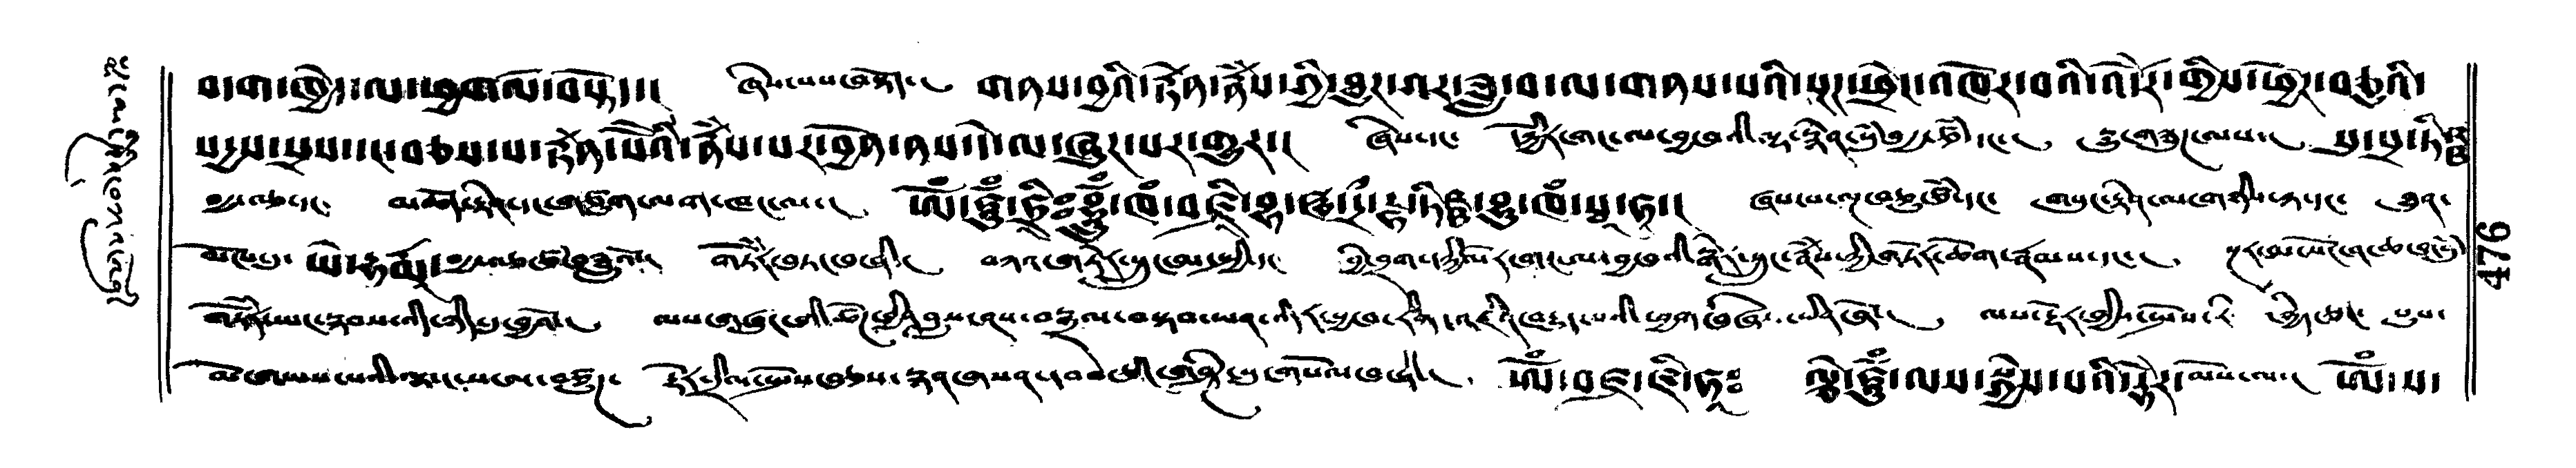བདག་ཁྱེད་ལ་ཕྱག་འཚལ་བསྟོད། ཞེས་པས་བསྟོད། གནས་བྱའི་རྟེན་རྣམས་ཀྱི་ཐུགས་ཀར་ཟླ་བ་ལ་གནས་པའི་སྔགས་ཕྲེང་འཁོར་བའི་འོད་ཟེར་གྱིས་ཕྱོགས་བཅུའི་
སངས་རྒྱས་སྲས་དང་བཅས་པ་རྟེན་སོ་སོའི་རྣམ་པར་བྱོན་ནས་དེ་ལ་ཞུགས་པར་གྱུར། ཞེས་དང་། དཀྱིལ་འཁོར་གང་ལ་བྱ་བའི་ལྷ་སྙེན་སུམ་བརྒྱ་ཙམ་དང་། སྐུ་གཟུགས་ལ་སུ་པྲ་ཏིཥྛ་
བརྒྱ་རྩ་དང་། མཆོད་རྟེན་དང་གཙུག་ལག་ཁང་ལ། ཨོཾ་ཧཱུྃ་ཧྲཱིཿབྷྲཱུྃ་ཁཾ་བཛྲི་བྷ་ཝ་དྲྀ་དྷ་ཏིཥྚ་བྷུ་ཁཾ་སྭ་ཧཱ། ཞེས་པ་ལྔ་བཅུ་ཙམ་དང་། གསུང་རྟེན་ལ་གཉིས་ཀ་དང་། ཐུན་
མོང་དུ། ཡེ་དྷརྨཱ་བརྒྱ་རྩ་ཙམ་བཟླའོ། གཏོར་མ་བཏང་བ་ནི། བཀའ་གཏེར་སྲུང་མ་སྤྱི་དང་། བྱེ་བྲག་དཀྱིལ་འཁོར་གང་ལ་བྱ་བའི་སྒེར་སྲུང་རྣམས་ཀྱི་གཏོར་ཆོག་རྣམས་དང་། སྔར་མ་སོང་ན་ཆ་གསུམ་
གཏོར་མ་ཡང་སྐབས་འདི་ཉིད་དུ་བྱའོ། ལས་གཞུང་གི་ཚོགས་བྱིན་རླབས་ནས་བསྒྲལ་བསྟབ་ཡན་འདིར་བྱ་བ་རིག་འཛིན་བརྒྱུད་པའི་ཕྱག་བཞེས་ཡིན་ནོ།ལས་རྡོར་གྱིས་སྤོས་རེང་འགྱེད་ཅིང་། པུས་
མོ་གཡས་པའི་ལྷ་ང་ས་ལ་བཙུགས། རྡོར་དྲིལ་སྤོས་བཅས་སྙན་གསན་དབབ་ཅིང་གཤེགས་སུ་གསོལ་བ་ནི། ཨོཾ་བཛྲ་ཛི་ཧཱཿ ལྕེ་ཧཱུྃ་ལས་སྐྱེས་པའི་རྡོ་རྗེར་མོས་ལ། ཨོཾ་ས་